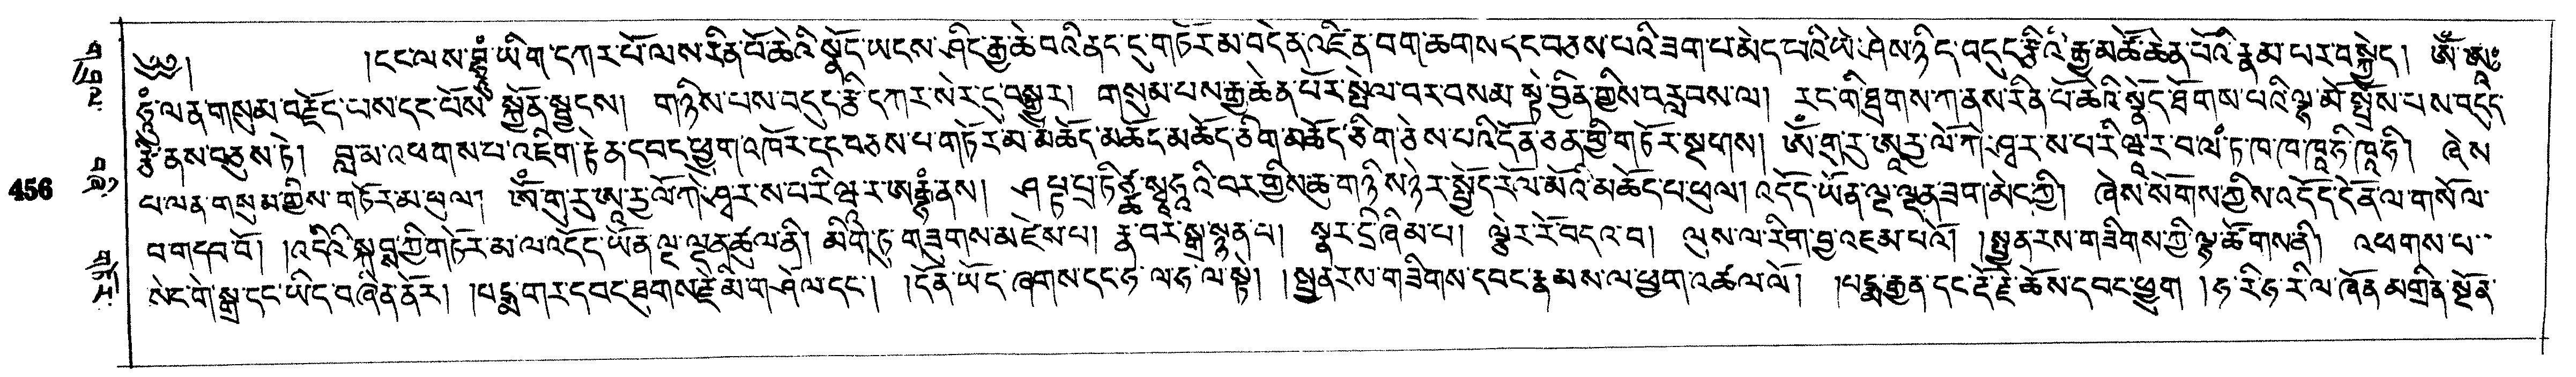༄༅། །ངང་ལས་བྷཱུཾ་ཡིག་དཀར་པོ་ལས་རིན་པོ་ཆེའི་སྣོད་ཡངས་ཤིང་རྒྱ་ཆེ་བའི་ནང་དུ་གཏོར་མ་བདེན་འཛིན་བག་ཆགས་དང་བཅས་པའི་ཟག་པ་མེད་པའི་ཡེ་ཤེས་ཉིད་བདུད་རྩིའི་རྒྱ་མཚོ་ཆེན་པོའི་རྣམ་པར་བསྐྱེད། ཨོཾ་ཨཱཿ
ཧཱུཾ་ལན་གསུམ་བརྗོད་པས་དང་པོས་སྐྱོན་སྦྱངས། གཉིས་པས་བདུད་རྩི་དཀར་སེར་དུ་བསྒྱུར། གསུམ་པས་རྒྱ་ཆེན་པོར་སྤེལ་བར་བསམ་སྟེ་བྱིན་གྱིས་བརླབས་ལ། རང་གི་ཐུགས་ཀ་ནས་རིན་པོ་ཆེའི་སྣོད་ཐོགས་པའི་ལྷ་མོ་སྤྲོས་པས་བདུད་
རྩི་ནས་བཅུས་ཏེ། བླ་མ་འཕགས་པ་འཇིག་རྟེན་དབང་ཕྱུག་འཁོར་དང་བཅས་པ་གཏོར་མ་མཆོད་མཆོད་མཆོད་ཅིག་མཆོད་ཅིག་ཅེས་པའི་དོན་ཅན་གྱི་གཏོར་སྔགས། ཨོཾ་གུ་རུ་ཨཱརྱ་ལོ་ཀེ་ཤྭ་ར་ས་པ་རི་ཝཱ་ར་བ་ལཾ་ཏ་ཁ་ཁ་ཁཱ་ཧི་ཁཱ་ཧི། ཞེས་
པ་ལན་གསུམ་གྱིས་གཏོར་མ་ཕུལ། ཨོཾ་གུ་རུ་ཨཱ་རྱ་ལོ་ཀེ་ཤྭ་ར་ས་པ་རི་ཝཱ་ར་ཨརྒྷཾ་ནས། ཤཔྟ་པྲ་ཏི་ཙྪ་སྭཱཧཱའི་བར་གྱིས་ཆུ་གཉིས་ཉེར་སྤྱོད་རོལ་མོའི་མཆོད་པ་ཕུལ། འདོད་ཡོན་ལྔ་ལྡན་ཟག་མེད་ཀྱི། ཞེས་སོགས་ཀྱིས་འདོད་དོན་ལ་གསོལ་
བ་གདབ་པོ། །འདིའི་སྐབས་ཀྱི་གཏོར་མ་ལ་འདོད་ཡོན་ལྔ་ལྡན་ཚུལ་ནི། མིག་ཏུ་གཟུགས་མཛེས་པ། རྣ་བར་སྒྲ་སྙན་པ། སྣར་དྲི་ཞིམ་པ། ལྕེར་རོ་བདའ་བ། ལུས་ལ་རིག་བྱ་འཇམ་པའོ། །སྤྱན་རས་གཟིགས་ཀྱི་ལྷ་ཚོགས་ནི། འཕགས་པ་
སེང་གེ་སྒྲ་དང་ཡིད་བཞིན་ནོར། །པདམ་གར་དབང་ཐུགས་རྗེ་མི་གཤོལ་དང་། །དོན་ཡོད་ཞགས་དང་ཧ་ལ་ཧ་ལ་སྟེ། །སྤྱན་རས་གཟིགས་དབང་རྣམས་ལ་ཕྱག་འཚལ་ལོ། །པདམ་རྒྱན་དང་རྡོ་རྗེ་ཆོས་དབང་ཕྱུག །ཧ་རི་ཧ་རི་ལ་ཞོན་མགྲིན་སྔོན་